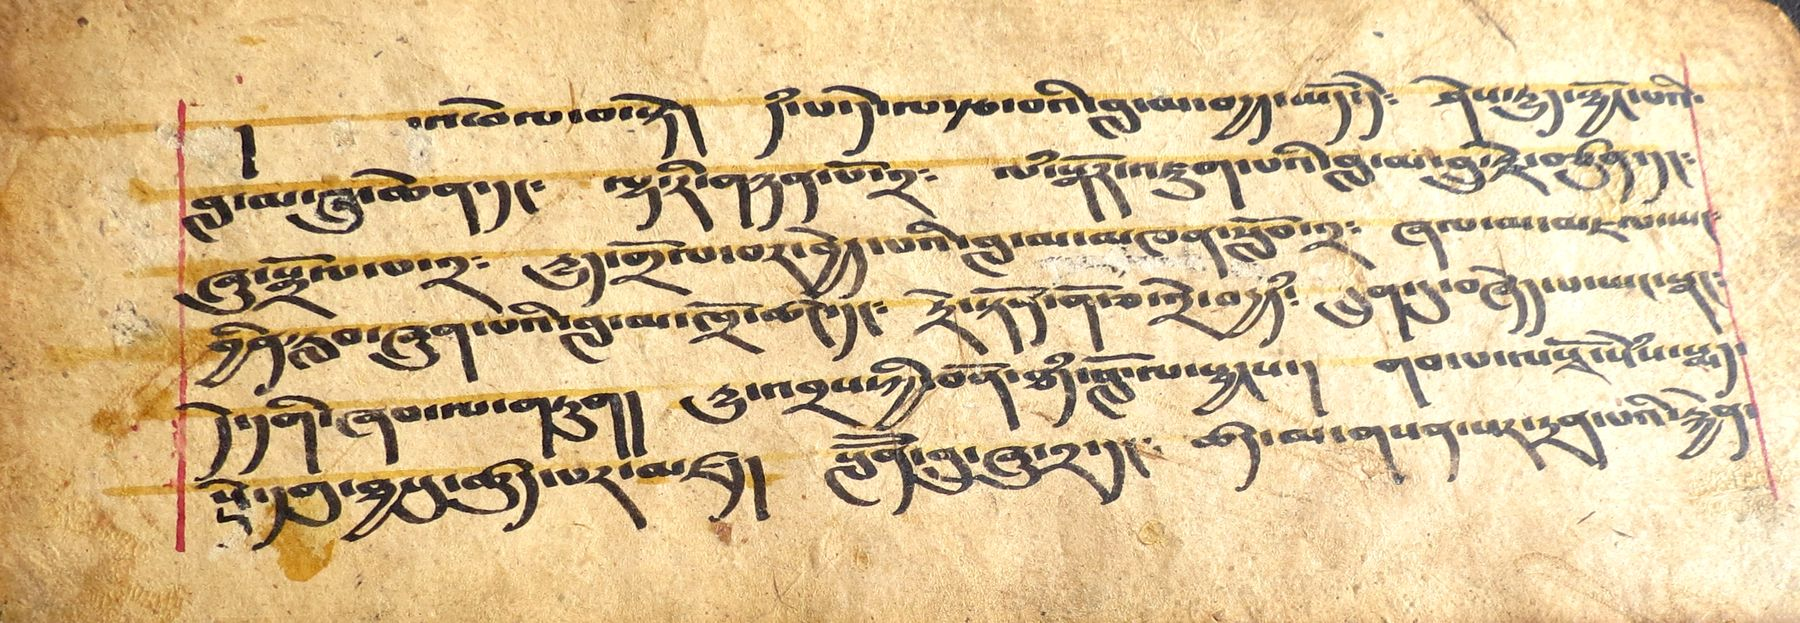འཕེལ་བ་སྟེ། དམ་པ་དེ་ལ་རྩ་བའི་བླ་མ་བརྒྱད་ཡོད་དེ། ཤེས་རྒྱུད་སྦྱོང་བའི་
བླ་མ་ཞུ་ཆེན་དང་། ལྷ་རི་གཉེན་པོ་གཉིས། ལམ་སྒོར་འཇུག་པའི་བླ་མ་བྲུ་རྗེ་བཙུན་དང་། 
ཞུ་སྒྲོལ་བ་གཉིས། རྒྱུད་གྲོལ་བར་བྱེད་པའི་བླ་མ་མཁན་སློབ་གཉིས། ཞལ་མ་མཇལ་ཀྱང་
བྱིན་རླབས་ཞུགས་པའི་བླ་མ་ཁྲོ་ཚང་དང་། ཏྲེ་སྟོན་གོ་ཆ་དང་གཉིས་སྟེ་བརྒྱད་དམ་དྲུག་ཏུ་བཞེད་པ་ཡང་སྣང་། 
དེ་དག་གི་ཞབས་ལ་གཏུགས། རྒྱུ་འབྲས་ཀྱི་བོན་ཐམས་ཅད་ལ་བློ་ལ་སྦྱངས། གབ་པ་ལ་སོགས་སེམས་སྨད་
སྡེ་དགུ་ཐུགས་སུ་ཆུད་པར་མཛད། སློབ་དཔོན་བྲུ་ཞུ་གཉིས་དང་༼ཉང་རོ་སྟག་པ་ཁ་ཆེ་ལ་༽ཚད་མ་གསན་སར་དྲན་པའི་རྐྱེན་